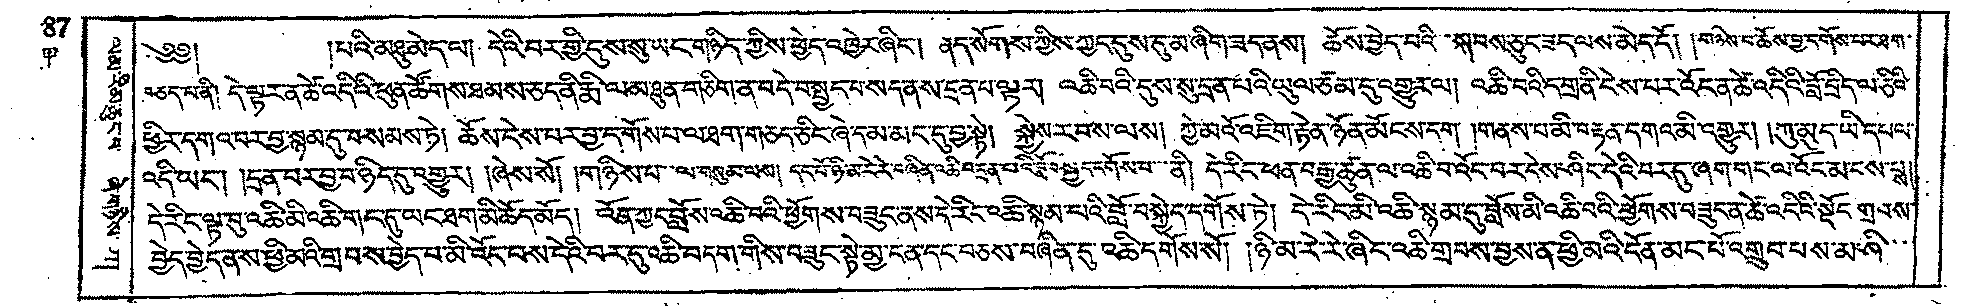༄༅། །པའི་མཐུ་མེད་ལ། དེའི་བར་གྱི་དུས་སུ་ཡང་གཉིད་ཀྱིས་ཕྱེད་འཁྱེར་ཞིང་། ནད་སོགས་ཀྱིས་ཀྱང་དུས་དུ་མ་ཞིག་ཟད་ནས། ཆོས་བྱེད་པའིསྐབས་ཅུང་ཟད་ལས་མེད་དོ། །གཉིས་པ་ཆོས་བྱ་དགོས་པར་ཐག་
བཅད་པ་ནི། དེ་ལྟར་ན་ཚེ་འདིའི་ཕུན་ཚོགས་ཐམས་ཅད་ནི་རྨི་ལམ་ཐུན་གཅིག་ན་བདེ་བ་བསྤྱད་པ་སད་ནས་དྲན་པ་ལྟར། འཆི་བའི་དུས་སུ་དྲན་པའི་ཡུལ་ཙམ་དུ་འགྱུར་ལ། འཆི་བའི་དགྲ་ནི་ངེས་པར་འོང་ན་ཚེ་འདིའི་བློ་བྲིད་ལ་ཅིའི་
ཕྱིར་དགའ་བར་བྱ་སྙམ་དུ་བསམས་ཏེ། ཆོས་ངེས་པར་བྱ་དགོས་པ་ལ་ཐག་གཅད་ཅིང་ཞེ་དམ་མང་དུ་བྱ་སྟེ། སྐྱེས་རབས་ལས། ཀྱེ་མའོ་འཇིག་རྟེན་ཉོན་མོངས་དག །གནས་པ་མི་བརྟེན་དགའ་མི་འགྱུར། །ཀུ་མུད་ཡི་དཔལ་
འདི་ཡང་། །དྲན་པར་བྱ་བ་ཉིད་དུ་འགྱུར། །ཞེས་སོ། །གཉིས་པལ་གསུམ་ལས། དང་པོ་ཉི་མ་རེ་རེ་བཞིན་འཆི་བ་དྲན་པའི་བློ་བསྐྱད་དགོས་པནི། དེ་རིང་ཕན་བརྒྱ་ཚུལ་ལ་འཆི་བ་འོང་བར་དེས་ཤིང་དེའི་བར་དུ་ཞག་གང་ལ་འོང་མ་ངས་པས།
དེ་རིང་ལྟ་བུ་འཆི་མི་འཆི་གང་དུ་ཡང་ཐག་མི་ཆོད་མོད། འོན་ཀྱང་བློས་འཆི་བའི་ཕྱོགས་བཟུང་ནས་དེ་རིང་འཆི་སྙམ་པའི་བློ་བསྐྱེད་དགོས་ཏེ། དེ་རིང་མི་འཆི་སྙམ་དུ་བློས་མི་འཆི་བའི་ཕྱོགས་བཟུང་ན་ཚེ་འདིའི་སྡོང་གྲབས་
བྱེད་བྱེད་ནས་ཕྱི་མའི་གྲབས་བྱེད་པ་མི་འོང་བས་དེའི་བར་དུ་འཆི་བདག་གིས་བཟུང་སྟེ་མྱ་ངན་དང་བཅས་བཞིན་དུ་འཆི་དགོས་སོ། །ཉི་མ་རེ་རེ་ཞིང་འཆི་གྲབས་བྱས་ན་ཕྱི་མའི་དོན་མང་པོ་འགྲུབ་པས་མ་ཤི་